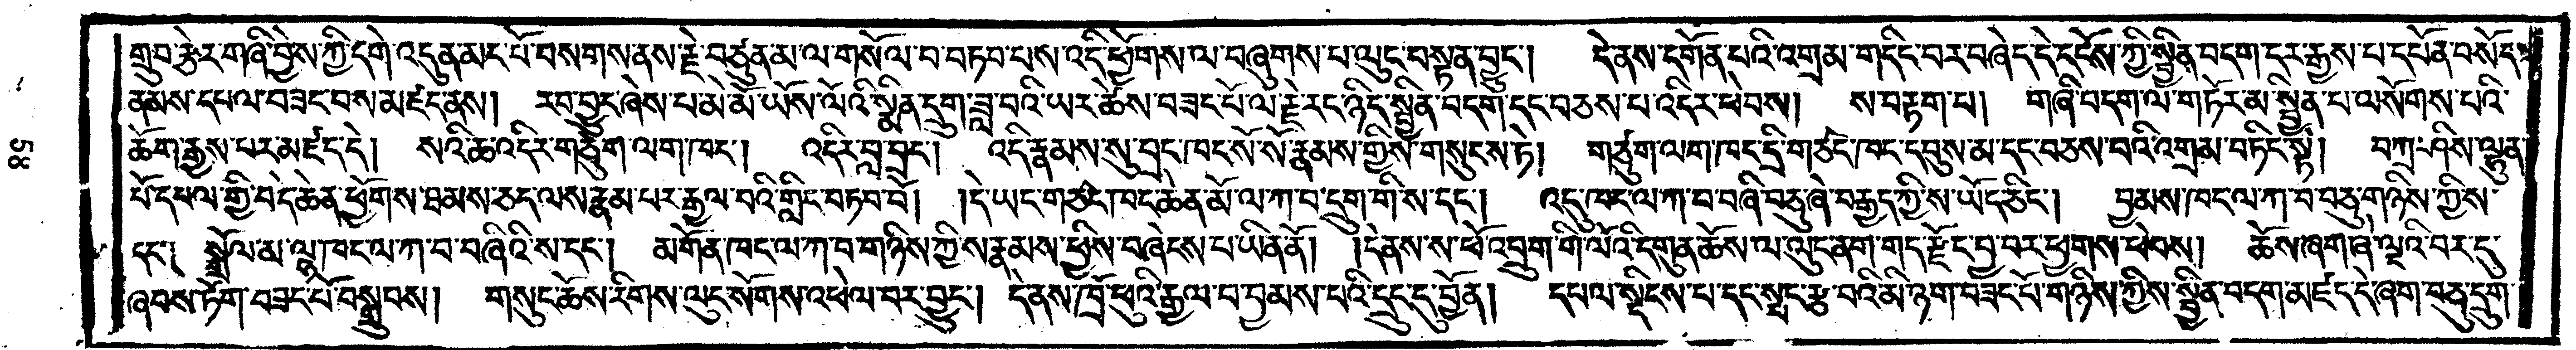གྲུབ་རྩེར་གཞི་བྱེས་ཀྱི་དགེ་འདུན་མང་པོ་བསགས་ནས་རྗེ་བཙུན་མ་ལ་གསོལ་བ་བཏབ་པས་འདི་ཕྱོགས་ལ་བཞུགས་པ་ལུང་བསྟན་བྱུང་། དེ་ནས་དགོན་པའི་འགྲམ་གདིང་བར་བཞེད་དེ་དངོས་ཀྱི་སྦྱིན་བདག་དར་རྒྱས་པ་དཔོན་བསོད་
ནམས་དཔལ་བཟང་བས་མཛད་ནས། རབ་བྱུང་ཞེས་པ་མེ་མོ་ཡོས་ལོའི་སྨིན་དྲུག་ཟླ་བའི་ཡར་ཚེས་བཟང་པོ་ལ་རྗེ་རང་ཉིད་སྦྱིན་བདག་དང་བཅས་པ་འདིར་ཕེབས། ས་བརྟག་པ། གཞི་བདག་ལ་གཏོར་མ་སྦྱིན་པ་ལ་སོགས་པའི་
ཆོག་རྒྱས་པར་མཛད་དེ། སའི་ཆ་འདིར་གཙུག་ལག་ཁང་། འདིར་བླ་བྲང་། འདི་རྣམས་སུ་བྲང་ཁང་སོ་སོ་རྣམས་གྱིས་གསུངས་ཏེ། གཙུག་ལག་ཁང་དྲི་གཙང་ཁང་དབུས་མ་དང་བཅས་པའི་འགྲམ་བཏིང་སྟེ། བཀྲ་ཤིས་ལྷུན་
པོ་དཔལ་གྱི་བདེ་ཆེན་ཕྱོགས་ཐམས་ཅད་ལས་རྣམ་པར་རྒྱལ་བའི་གླིང་བཏབ་བོ། །དེ་ཡང་གཙང་ཁང་ཆེན་མོ་ལ་ཀ་བ་དྲུག་གི་ས་དང་། འདུ་ཁང་ལ་ཀ་བ་བཞི་བཅུ་ཞེ་བརྒྱད་ཀྱི་ས་ཡོད་ཅིང་། བྱམས་ཁང་ལ་ཀ་བ་བཅུ་གཉིས་ཀྱིས་
དང༑ སྒྲོལ་མ་ལྷ་ཁང་ལ་ཀ་བ་བཞིའི་ས་དང་། མགོན་ཁང་ལ་ཀ་བ་གཉིས་ཀྱིས་རྣམས་ཕྱིས་བཞེངས་པ་ཡིན་ནོ། །དེ་ནས་ས་ཕོ་འབྲུག་གི་ལོའི་དགུན་ཆོས་ལ་ལུང་ནག་གད་རྫོང་བྱ་བར་ཕྱགས་ཕེབས། ཆོས་ཞག་ཞེ་ལྔའི་བར་དུ་
ཞབས་ཏོག་བཟང་པོ་བསྒྲུབས། གསུང་ཆོས་རིགས་ལུང་སོགས་འཕེལ་བར་བྱུང་། དེ་ནས་ཁྲོ་ཕུའི་རྒྱལ་བ་བྱམས་པའི་དྲུང་དུ་བྱོན། དཔལ་སྡིངས་པ་དང་སྤང་རྩ་བའི་མི་ཉག་བཟང་པོ་གཉིས་ཀྱིས་སྦྱིན་བདག་མཛད་དེ་ཞག་བཅུ་དྲུག་